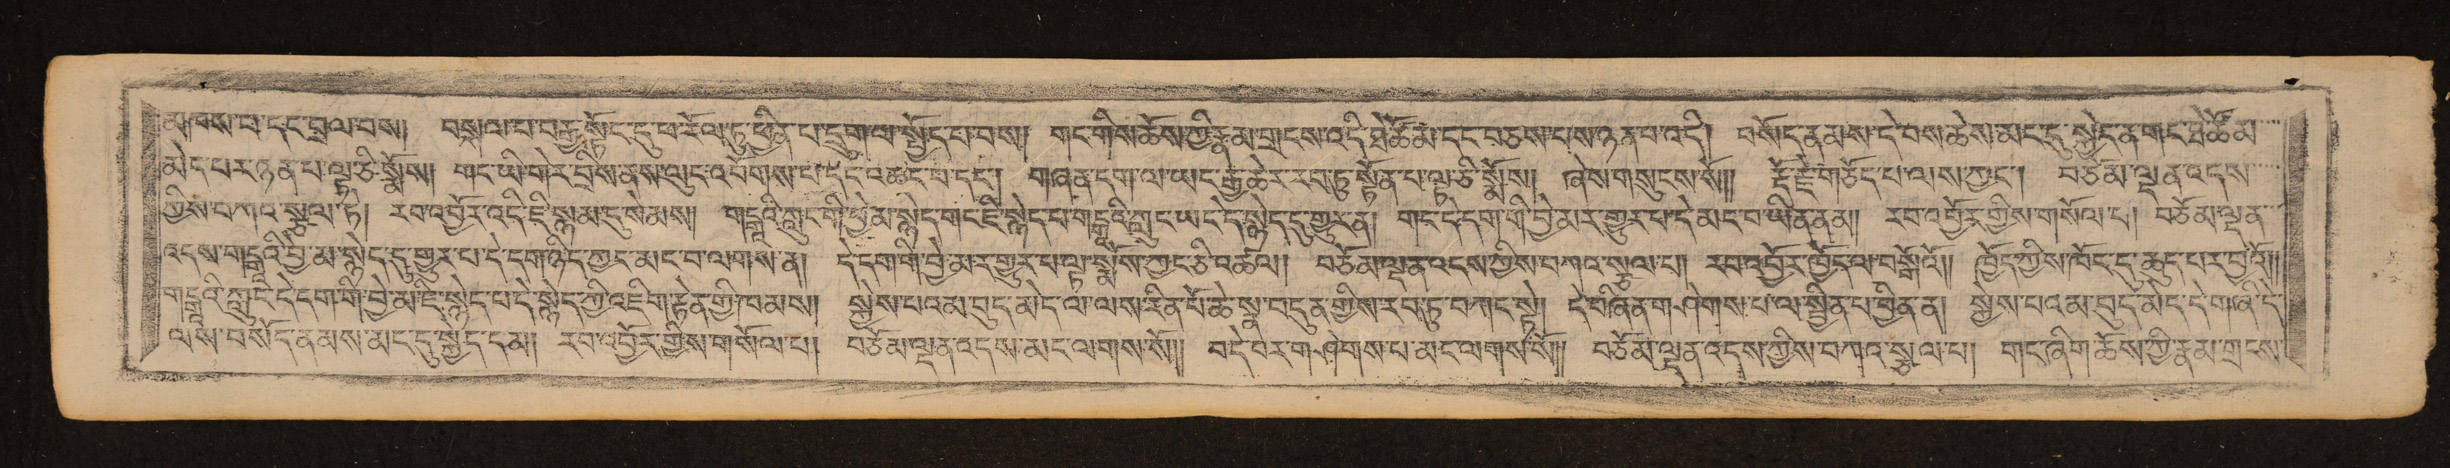མཁས་པ་དང་བྲལ་བས། བསྐལ་པ་བརྒྱ་སྟོང་དུ་ཕ་རོལ་ཏུ་ཕྱིན་པ་དྲུག་ལ་སྤྱོད་པ་བས། གང་གིས་ཆོས་ཀྱི་རྣམ་གྲངས་འདི་ཐེ་ཚོམ་དང་བཅས་པས་ཉན་པ་འདི། བསོད་ནམས་དེ་བས་ཆེས་མང་དུ་སྐྱེད་ན་གང་ཐེ་ཚོམ་
མེད་པར་ཉན་པ་ལྟ་ཅི་སྨོས། གང་ཡི་གེར་བྲིས་ནས་ལུང་འབོགས་པ་དང་འཆང་བ་དང་། གཞན་དག་ལ་ཡང་རྒྱ་ཆེར་རབ་ཏུ་སྟོན་པ་ལྟ་ཅི་སྨོས། ཞེས་གསུངས་སོ།། རྡོ་རྗེ་གཅོད་པ་ལས་ཀྱང་། བཅོམ་ལྡན་འདས་
ཀྱིས་བཀའ་སྩལ་ཏེ། རབ་འབྱོར་འདི་ཇི་སྙམ་དུ་སེམས། གངྒཱའི་ཀླུང་གི་བྱེ་མ་སྙེད་གང་ཇི་སྙེད་པ་གངྒཱའི་ཀླུང་ཡང་དེ་སྙེད་དུ་གྱུར་ན། གང་དེ་དག་གི་བྱེ་མར་གྱུར་པ་དེ་མང་བ་ཡིན་ནམ། རབ་འབྱོར་གྱིས་གསོལ་པ། བཅོམ་ལྡན་
འདས་གངྒཱའི་བྱེ་མ་སྙེད་དུ་གྱུར་པ་དེ་དག་ཉིད་ཀྱང་མང་བ་ལགས་ན། དེ་དག་གི་བྱེ་མར་གྱུར་པ་ལྟ་སྨོས་ཀྱང་ཅི་འཚལ། བཅོམ་ལྡན་འདས་ཀྱིས་བཀའ་སྩལ་བ། རབ་འབྱོར་ཁྱོད་ལ་བསྒོའོ།། ཁྱོད་ཀྱིས་ཁོང་དུ་ཆུད་པར་བྱའོ།།
གང་གའི་ཀླུང་དེ་དག་གི་བྱེ་མ་ཇི་སྙེད་པ་དེ་སྙེད་ཀྱི་འཇིག་རྟེན་གྱི་ཁམས། སྐྱེས་པའམ་བུད་མེད་ལ་ལས་རིན་པོ་ཆེ་སྣ་བདུན་གྱིས་རབ་ཏུ་བཀང་སྟེ། དེ་བཞིན་གཤེགས་པ་ལ་སྦྱིན་པ་བྱིན་ན། སྐྱེས་པའམ་བུད་མེད་དེ་གཞི་དེ་
ལས་བསོད་ནམས་མང་དུ་སྐྱེད་དམ། རབ་འབྱོར་གྱིས་གསོལ་པ། བཅོམ་ལྡན་འདས་མང་ལགས་སོ།། བདེ་བར་གཤེགས་པ་མང་ལགས་སོ།། བཅོམ་ལྡན་འདས་ཀྱིས་བཀའ་སྩལ་པ། གང་ཞིག་ཆོས་ཀྱི་རྣམ་གྲངས་